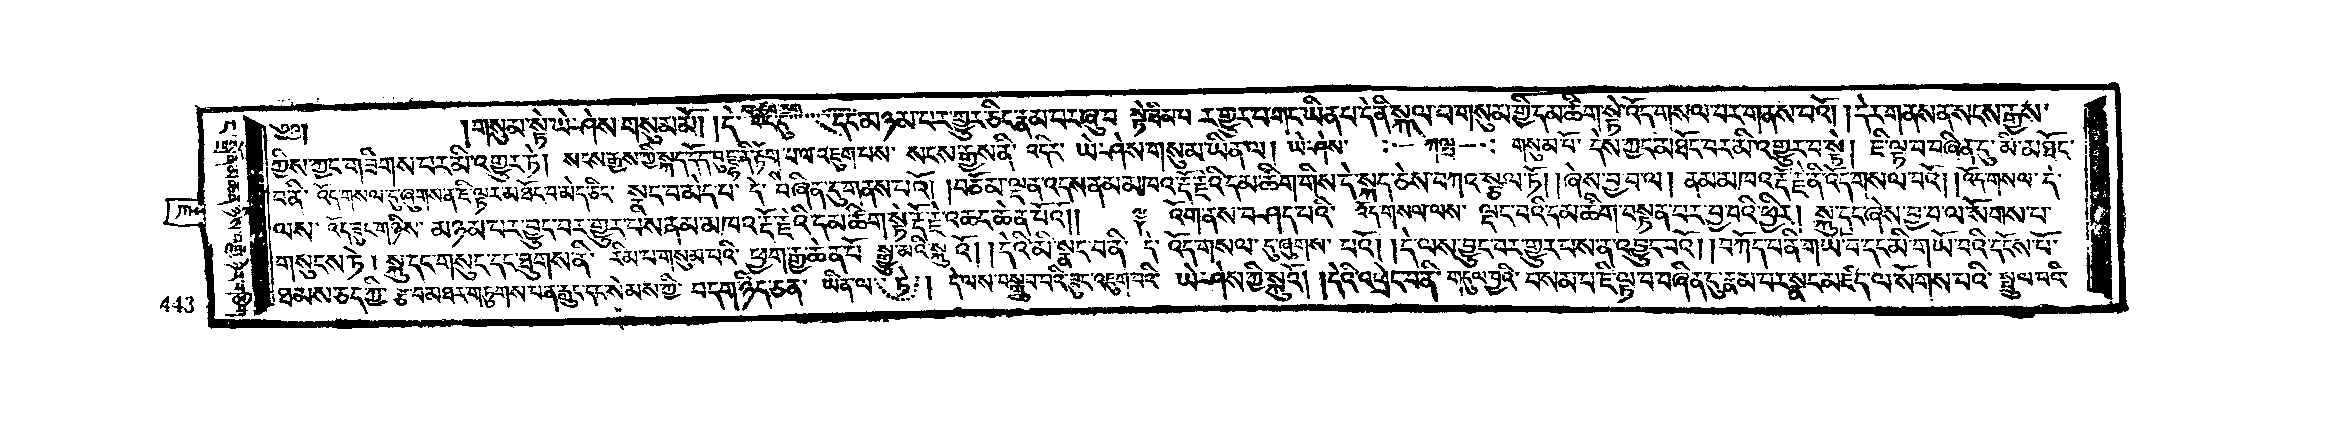༄༅། །གསུམ་སྟེ་ཡེ་ཤེས་གསུམ་མོ། །དེ་གང་དུ་པ་ཚབ་ཆག་དང་མཉམ་པར་གྱུར་ཅིང་རྣམ་པར་ཞུ་བ་སྟེ་ཐིམ་པར་གྱུར་པ་གང་ཡིན་པ་དེ་ནི་སྐལ་པ་གསུམ་གྱི་དམ་ཚིག་སྟེ་འོད་གསལ་བར་གནས་པའོ། །དེར་གནས་ན་སངས་རྒྱས་
ཀྱིས་ཀྱང་གཟིགས་པར་མི་འགྱུར་ཏེ། སངས་རྒྱས་ཀྱི་སྐད་དོད་བུདྡྷ་ནི་རྟོགས་པ་ལ་འཇུག་པས་སངས་རྒྱས་ནི་འདིར་ཡེ་ཤེས་གསུམ་ཡིན་ལ། ཡེ་ཤེས་H.་ཀལྤ་.Hགསུམ་པོ་དེས་ཀྱང་མཐོང་བར་མི་འགྱུར་བ་སྟེ། ཇི་ལྟ་བ་བཞིན་དུ་མི་མཐོང་
བ་ནི་འོད་གསལ་དུ་ཞུགས་ནི་ཇི་ལྟར་མཐོང་བ་མེད་ཅིང་སྣང་བ་མེད་པ་དེ་བཞིན་དུ་གནས་པའོ། །བཅོམ་ལྡན་འདས་ནམ་མཁའ་རྡོ་རྗེའི་དམ་ཚིག་གིས་དེ་སྐད་ཅེས་བཀའ་ཅེས་བཀའ་སྩལ་ཏོ། །ཞེས་བྱ་བ་ལ། ནམ་མཁའ་རྡོ་རྗེ་ནིའོད་གསལ་བའོ། །འོད་གསལ་དེ་
ལས་འོད་ཟུང་གཉིས་མཉམ་པར་བྱུང་བར་གྱུར་པས་ནམ་མཁའ་རྡོ་རྗེའི་དམ་ཚིག་སྟེ་རྡོ་རྗེ་འཆང་ཆེན་པོའོ།། ༈ འོག་ནས་བཤད་པའི་འོད་གསལ་ལས་ལྡང་བའི་དམ་ཚིག་བསྟན་པར་བྱ་བའི་ཕྱིར། སྐུ་དང་ཞེས་བྱ་བ་ལ་སོགས་པ་
གསུངས་ཏེ། སྐུ་དང་གསུང་དང་ཐུགས་ནི་རིམས་པ་གསུམ་པའི་ཕྱག་རྒྱ་ཆེན་པོ་སྒྱུ་མའི་སྐུའོ། །དེའི་མི་སྣང་བ་ནི་དེ་འོད་གསལ་དུ་ཞུགས་པའོ། །དེ་ལས་བྱུང་བར་གྱུར་པས་ན་འབྱུང་བའོ། །བཀོད་པ་ནི་གཡོ་བ་དང་མི་གཡོ་བའི་དངོས་པོ་
ཐམས་ཅད་ཀྱི་རྩ་བ་མཐར་གཏུགས་པ་ན་རླུང་དང་སེམས་ཀྱི་བདག་ཉིད་ཅན་ཡིན་ལ་ཏེ། དེ་ལས་བསྒྲུབ་པའི་ཟུང་འཇུག་པའི་ཡེ་ཤེས་ཀྱི་སྐུའོ། །དེའི་འཕྲེང་བ་ནི་གདུལ་བྱའི་བསམ་པ་ཇི་ལྟ་བ་བཞིན་དུ་རྣམ་པར་སྣང་མཛད་ལ་སོགས་པའི་སྤྲུལ་པའི་